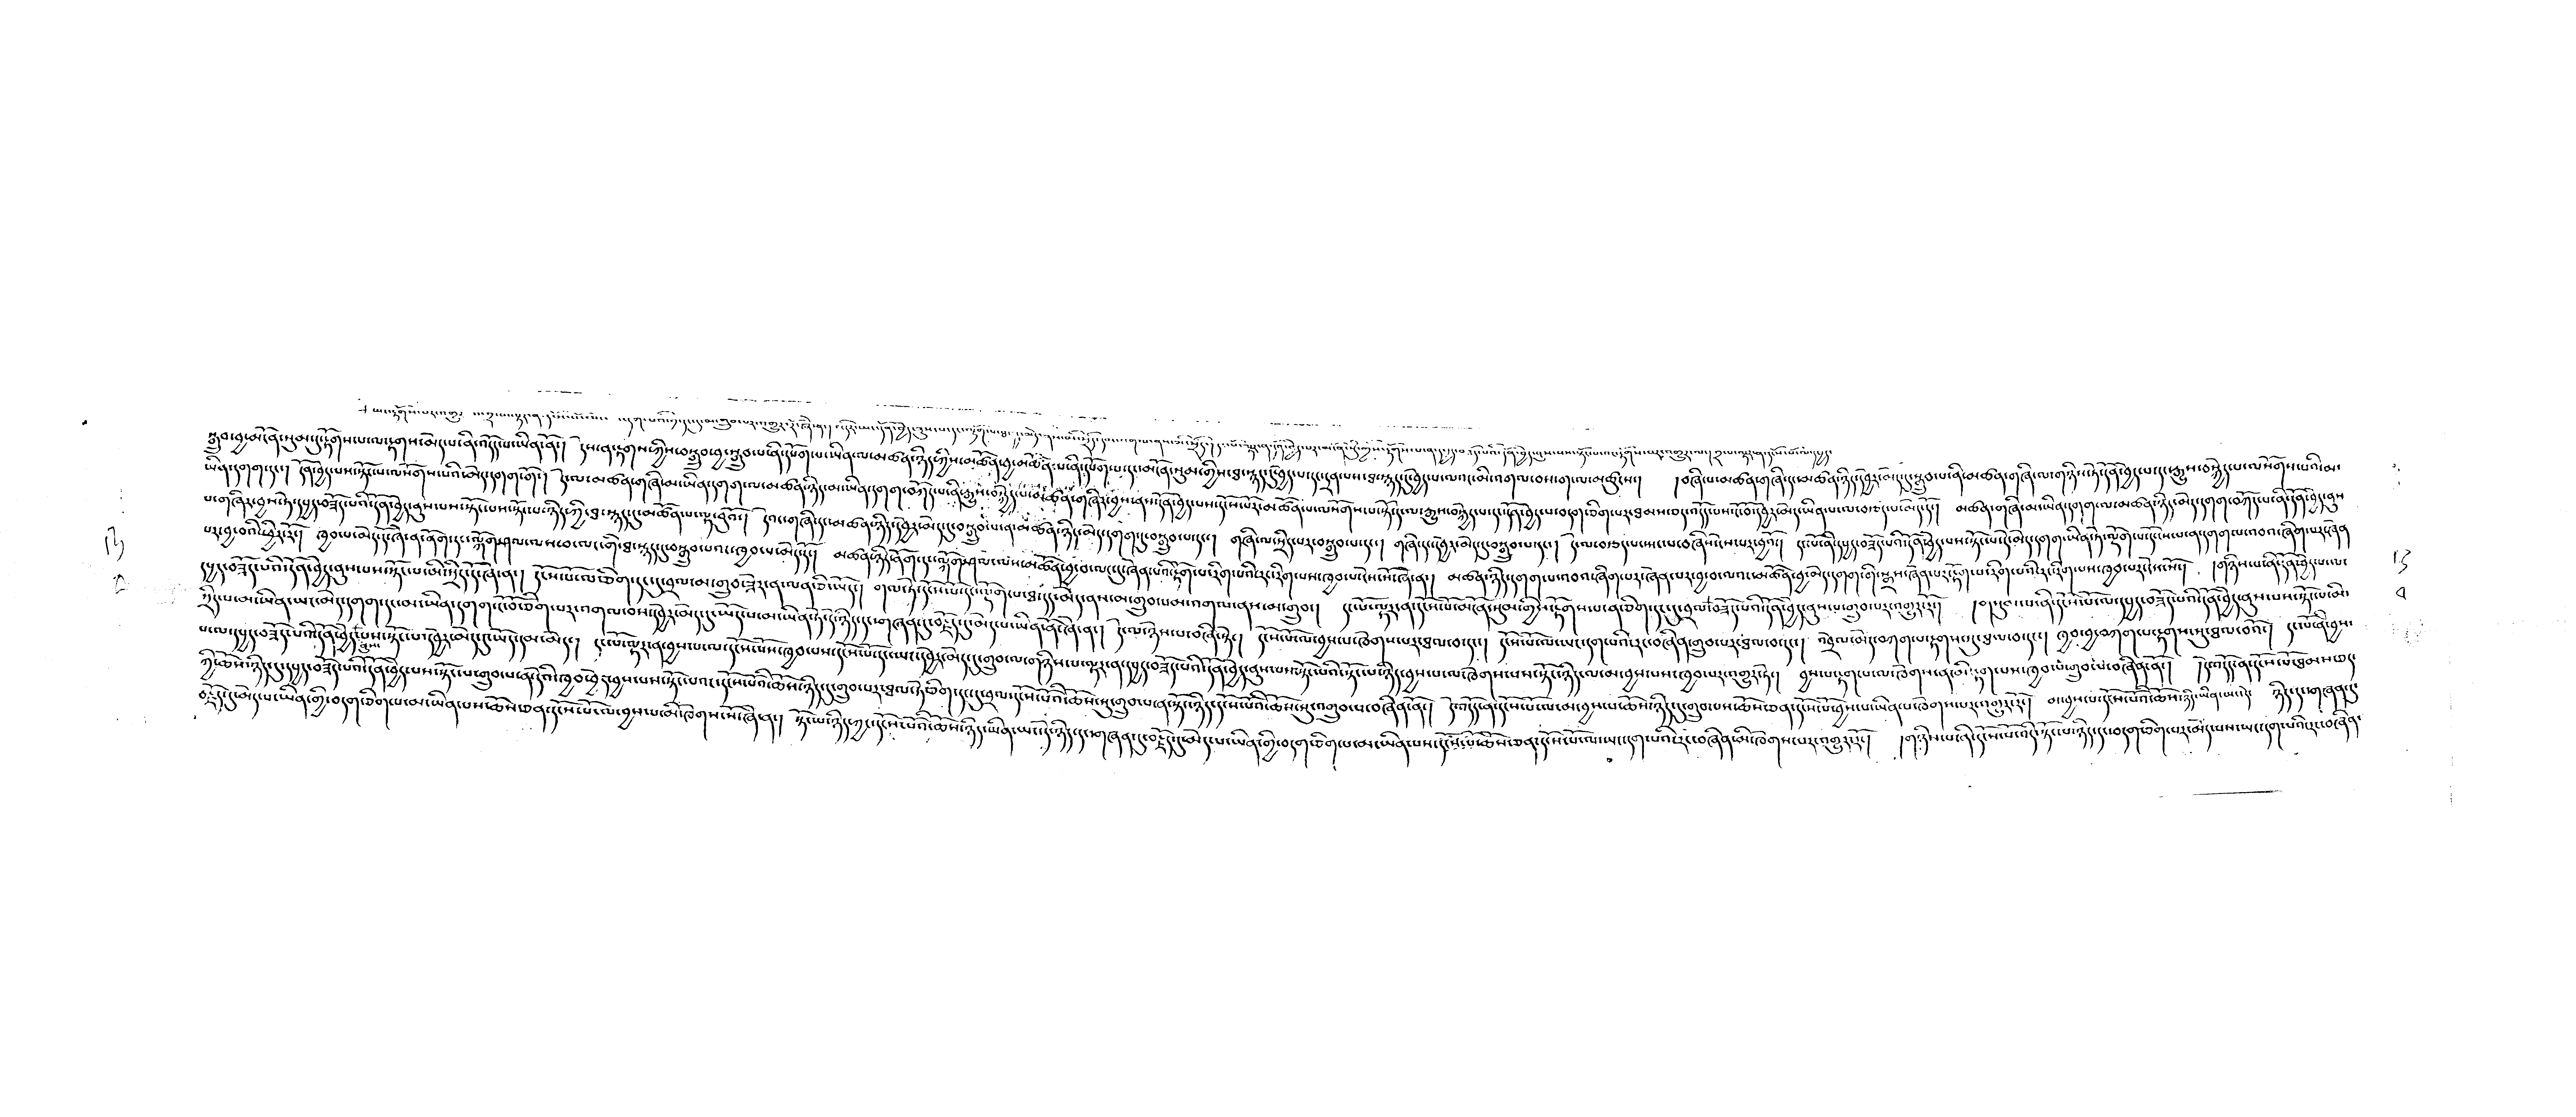སྒྲུབ་བྱ་མངོན་སུམ་དུ་རྟོགས་པ་ལ་རྟགས་མེད་པ་ནི་འདོད་པ་ཡིན་ནོ། དེས་ན་རྟགས་ཀྱིས་བསྒྲུབ་བྱ་སྒྲུབ་པ་ནི་དཔོག་པ་ཡིན་ལ་མཚན་ཉིད་ཀྱིས་མཚོན་བྱ་མཚོན་པ་ནི་དཔོག་པ་དང་མངོན་སུམ་གྱིས་ཐ་སྙད་དུ་བྱེད་པ་དང་དྲན་པས་ཐ་སྙད་དུ་བྱེད་པ་ལའང་མི་འགལ་བས་ག་ལ་མཚུངས། །བཞི་པ་མཚན་གཞི་དང་མཚན་ཉིད་དབྱེར་མེད་མེད་དུ་སྒྲུབ་པ་ནི་མཚན་གཞི་ལ་གཉིས་ཏེ་དོན་བྱེད་པ་དང་རྒྱུས་བསྐྱེད་པ་ལ་སོགས་པའི་མ་
ཡིན་དགག་དང་། དོན་བྱེད་པས་སྟོང་པ་ལ་སོགས་པའི་མེད་དགག་གོ། དེ་ལ་མཚན་གཞི་མ་ཡིན་དགག་ལ་མཚན་ཉིད་མ་ཡིན་དགག་བཀོད་པ་ནི་རྒྱུས་བསྐྱེད་པ་མཚན་གཞིར་བྱས་ནས་དོན་བྱེད་པས་དངོས་པོར་མཚོན་པ་ལ་སོགས་པ་སྟེ་དེ་ལ་རྒྱུས་བསྐྱེད་པ་དང་དོན་བྱེད་པ་བདག་ཅིག་པར་ཐམས་ཅད་འདོད་པས་ངོ་བོ་དབྱེར་མེད་ཡིན་པ་ལ་བརྩད་པ་མེད་དོ། མཚན་གཞི་མ་ཡིན་དགག་ལ་མཚན་ཉིད་མེད་དགག་བཀོད་པ་ནི་དོན་བྱེད་ནུས་
པ་གཞིར་བྱས་དོན་དཔྱད་བཟོད་པའི་དོན་བྱེད་ནུས་པས་སྟོང་པས་སྟོང་པ་ཉིད་ཀྱི་ཐ་སྙད་དུ་མཚོན་པ་ལྟ་བུའོ། དེའང་གཞི་དང་མཚན་ཉིད་དབྱེར་མེད་དུ་བསྒྲུབ་པ་ན་མཚན་ཉིད་མེད་དགག་དུ་བསྒྲུབ་པ་དང་། གཟི་ལ་སྲིད་པར་བསྒྲུབ་པ་དང་། གཞི་དང་དབྱེར་མེད་དུ་བསྒྲུབ་པ་དང་། དེ་ལ་བརྩད་པ་སྤང་པ་བཞིས་ངེས་པར་བྱའོ། དང་པོ་ནི་དཔྱད་བཟོད་པའི་དོན་བྱེད་པས་སྟོང་པ་དེ་མེད་དགག་ཡིན་ཏེ་ལྡོག་པ་དེ་ངེས་པ་ན་དགག་ལ་འབའ་ཞིག་པར་ཞེན་
པར་བྱ་བའི་ཕྱིར་རོ། ཁྱབ་པ་མེད་དོ་ཞེ་ན་ནོག་དང་ལྐོག་ཤལ་ལས་བ་ལང་གི་ཐ་སྙད་དུ་བསྒྲུབ་པའང་ཁྱབ་པ་མེད་དོ། མཚན་ཉིད་ནོག་དང་ལྐོག་ཤལ་ལས་མཚོན་བྱ་བ་ལང་དུ་ཞེན་པའི་རྟོག་པ་རིག་པའི་རང་རིག་པས་ཁྱབ་པ་ངེས་སོ་ཞེ་ན། མཚན་ཉིད་དགག་པ་འབའ་ཞིག་པར་ཞེན་པར་བྱ་བ་ལའང་མཚོན་བྱ་མེད་དགག་གི་སྒྲས་ཞོན་པར་རྟོག་པ་རིག་པའི་རང་རིག་པས་ཁྱབ་པར་ངེས་སོ། །གཉིས་པ་ནི་དོན་བྱེད་པ་ལ་
དཔྱད་བཟོད་པའི་དོན་བྱེད་ནུས་པས་སྟོང་པ་མི་སྲིད་དོ་ཞེ་ན། དངོས་པོ་ལ་ཅིག་དང་དུ་བྲལ་མ་གྲུབ་ཟོར་ན་ལན་ཅིག་ཡོད། གལ་ཏེ་དངོས་པོ་དང་ལྡོག་པ་ཐ་དད་མེད་ནས་མ་གྲུབ་སམ་འགལ་ནས་མ་གྲུབ། དང་པོ་ལྟར་ན་དངོས་པོ་མངོན་སུམ་གྱིས་རྟོགས་པ་ན་ཅིག་དང་དུ་བྲལ་བཟོད་པའི་དོན་བྱེད་ནུས་པ་གྲུབ་པར་འགྱུར་རོ། །གསུམ་པ་ནི་དངོས་པོ་ལ་དཔྱད་བཟོད་པའི་དོན་བྱེད་ནུས་པས་སྟོང་པ་མི་
སྲིད་པ་མ་ཡིན་ཡང་མེད་དགག་དང་མ་ཡིན་དགག་ངོ་བོ་ཅིག་པར་འགལ་བས་དབྱེར་མེད་དུ་ཡོད་པ་མ་ཡིན་ཏེ་དེ་ཉིད་དང་གཞན་དུ་བརྗོད་དུ་མེད་པ་ཡིན་ནོ་ཞེ་ན། དེ་ལ་ཉེས་པ་བཞི་སྟེ། དངོས་པོ་ལ་བྱས་པ་ཁེགས་པར་ཐལ་བ་དང་། དངོས་པོ་ལ་ཡང་དག་པའི་རང་བཞིན་གྲུབ་པར་ཐལ་བ་དང་། འབྲེལ་མེད་བཀག་པ་རྟགས་དུ་ཐལ་བ་དང་། ཁྱབ་བྱ་བཀག་པ་རྟགས་སུ་ཐལ་བའོ། དང་པོ་ནི་བྱས་
པ་ལ་དཔྱད་བཟོད་པའི་དོན་བྱེད་ཞུས་པ་སྟོང་པ་དབྱེར་མེད་དུ་ཡོད་དམ་མེད། ད་ལོ་ལྟར་ན་བྱས་པ་ལ་དངོས་པོས་ཁྱབ་པས་དངོས་པོ་དང་ཡང་དབྱེར་མེད་དུ་གྲུབ་ལ་གཉིས་པ་ལྟར་ན་དཔྱད་བཟོད་པའི་དོན་བྱེད་ནུས་པས་སྟོང་པའི་སྟོང་པ་ཉིད་བྱས་པ་ལ་ཁེགས་པས་སྟོང་ཉིད་ལ་མ་བྱས་པས་ཁྱབ་པར་འགྱུར་ཏེ། བྱས་པ་རྟག་པ་ལ་ཁེགས་ན་མི་རྟག་པས་ཁྱབ་པ་གྲུབ་པ་བཞིན་ནོ། །དེ་འདོད་ན་དངོས་པོ་ཐམས་ཅད་
ཀྱི་ཆོས་ཉིད་དུ་དཔྱད་བཟོད་པའི་དོན་བྱེད་པས་སྟོང་པ་གྲུབ་པ་ན་དེའི་ཁྱབ་ཕྱེད་བྱས་པས་སྟོང་པའང་དངོས་པོའི་ཆོས་ཉིད་དུ་གྲུབ་པར་ཐལ་ཏེ་ཅིག་དང་དུ་བྲལ་དངོས་པོའི་ཆོས་སུ་གྲུབ་པ་ན་སྟོང་ཉིད་དངོས་པོའི་ཆོས་སུ་འགྲུབ་པ་བཞིན་ནོ། །དེ་འདོད་ན་དངོས་པོ་མ་བྱས་པ་ཆོས་ཉིད་དུ་གྲུབ་པས་ཆོས་ཅན་དངོས་པོ་བྱས་པ་ཡིན་པ་ཁེགས་པར་འགྱུར་རོ། མ་བྱས་པ་དངོས་པོའི་ཆོས་ཉིད་ཡིན་ཡང་དེ། ཉིད་དང་གཞན་དུ་
བརྗོད་དུ་མེད་པ་ཡིན་གྱི་བདག་ཅིག་པ་མ་ཡིན་པས་ཆོས་ཅན་དངོས་པོ་ལ་བྱས་པ་མི་ཁེགས་སོ་ཞེ་ན། སྟོང་པ་ཉིད་ཀྱང་དངོས་པོའི་ཆོས་ཉིད་ཡིན་ཡང་དེ་ཉིད་དང་གཞན་དུ་བརྗོད་དུ་མེད་པ་ཡིན་གྱི་བདག་ཅིག་པ་མ་ཡིན་པས་དངོས་པོ་ཆོས་ཅན་དངོས་པོ་ཡང་དག་པའི་རང་བཞིན་མི་ཁེགས་པར་འགྱུར་རོ། །གཉིས་པ་ནི་དངོས་པོ་འདི་སྟོང་པ་ཉིད་དང་བདག་ཡིན་པར་མེད་པས་ཡང་དག་པའི་རང་བཞིན་